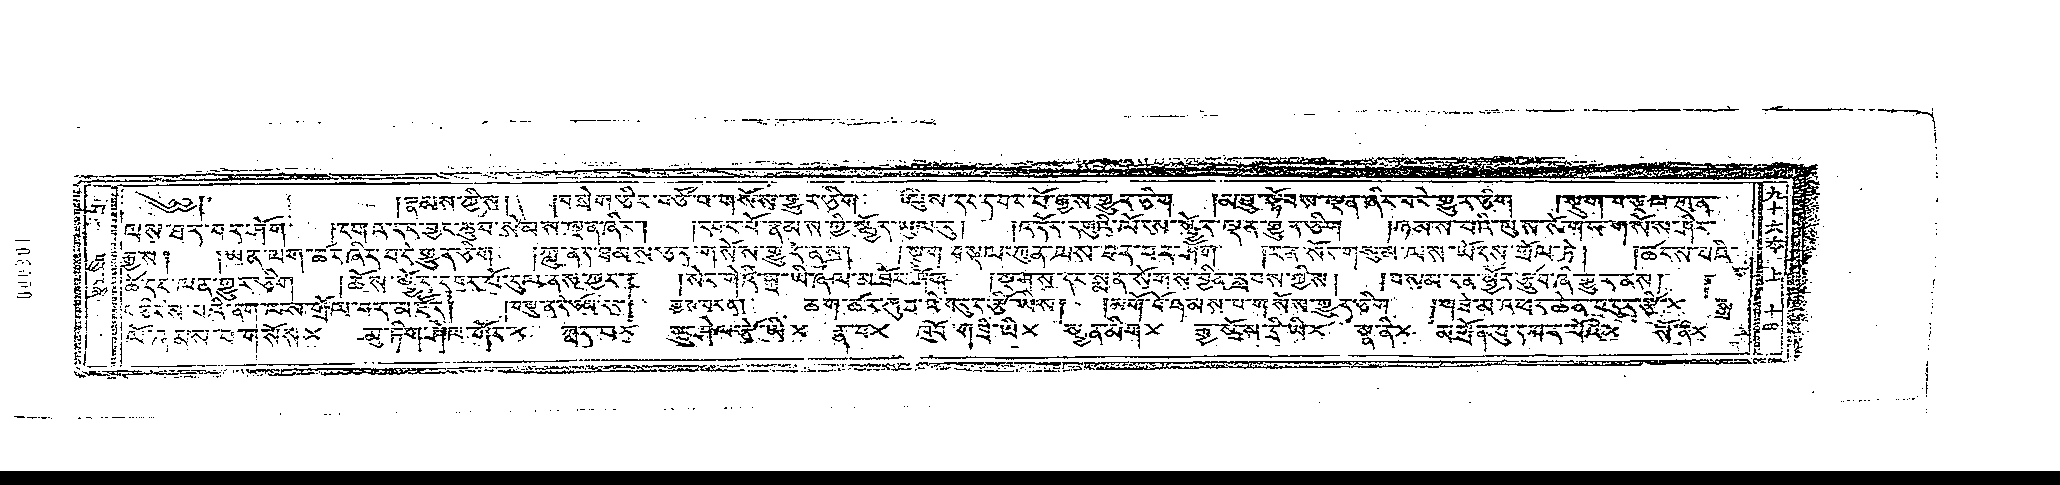༄༅། །རྣམས་ཀྱིས། བསྲེག་ཅིང་བཙོ་བོ་གསོས་གྱུར་ཅིག །ལུས་དང་དབང་པོ་རྒྱས་གྱུར་ཅིག །མཐུ་སྟོབས་ལྡན་ཞིང་བདེ་གྱུར་ཅིག །སྡུག་བསྔལ་ཀུན་
ལས་ཐར་བར་ཤོག །དགའ་དང་བྱང་ཆུབ་སེམས་ལྡན་ཞིང་། དབང་པོ་རྣམས་ཀྱི་སྤྱོད་ཡུལ་དུ། འདོད་དགུའི་ལོངས་སྤྱོད་ལྡང་གྱུར་ཅིག །ཉམས་པའི་ལུས་སོགས་གསོས་ཤིང་
རྒྱས། །ཡན་ལག་ཚང་ཞིང་བདེ་གྱུར་ཅིག །ཀླུ་ནད་ཐམས་ཅད་གསོས་གྱུར་ནས། །སྡུག་བསྔལ་ཀུན་ལས་ཐར་བར་ཤོག །དན་སོང་གསུམ་ལས་ཡོངས་གྲོལ་ཏེ། ཚངས་པའི་
ཚེ་དང་ལྡན་གྱུར་ཅིག །ཆོས་སྤྱོད་དབང་པོ་དུལ་ནས་ཀྱད། །སེང་གེའི་སྒྲ་ཡི་ཞལ་མཐོང་ཤོག །སྔགས་དང་སྨན་སོགས་བྱིན་རླབས་ཀྱིས། །བསམ་དན་སྦྱོར་རྩུབ་ཞི་གྱུར་ནས། །
བཅིངས་པའི་ནད་ལས་གྲོལ་བར་མཛོད། །བསྡུ་ན་དེ་ཙམ་དང་། རྒྱས་བར་ན། ཆག་ཚད་ཀུ་བའི་བདུད་རྩི་ཡིས། །མགོ་བོ་ཉམས་པ་གསོས་གྱུར་ཅིག །གཟེམ་འཕང་ཆེམ་བདུད་རྩི་྾་སྐྲ་
ལོ་ཉམས་པ་གསོས་྾་མུ་ཏིག་ཤེལ་གོང་྾་ཀླད་པ་྾་སྤུ་ཤེལ་རྩེ་ཡི་྾་རྣ་བ་྾་ཁྲ་བོ་གཟི་ཡི་྾་སྤྲན་མིག་྾་རྒྱ་སྤོས་དྲི་ཡི་྾་སྣ་ནི་྾་མགྲོན་བུ་དཀར་པོའི་྾་སོ་ནི་྾་